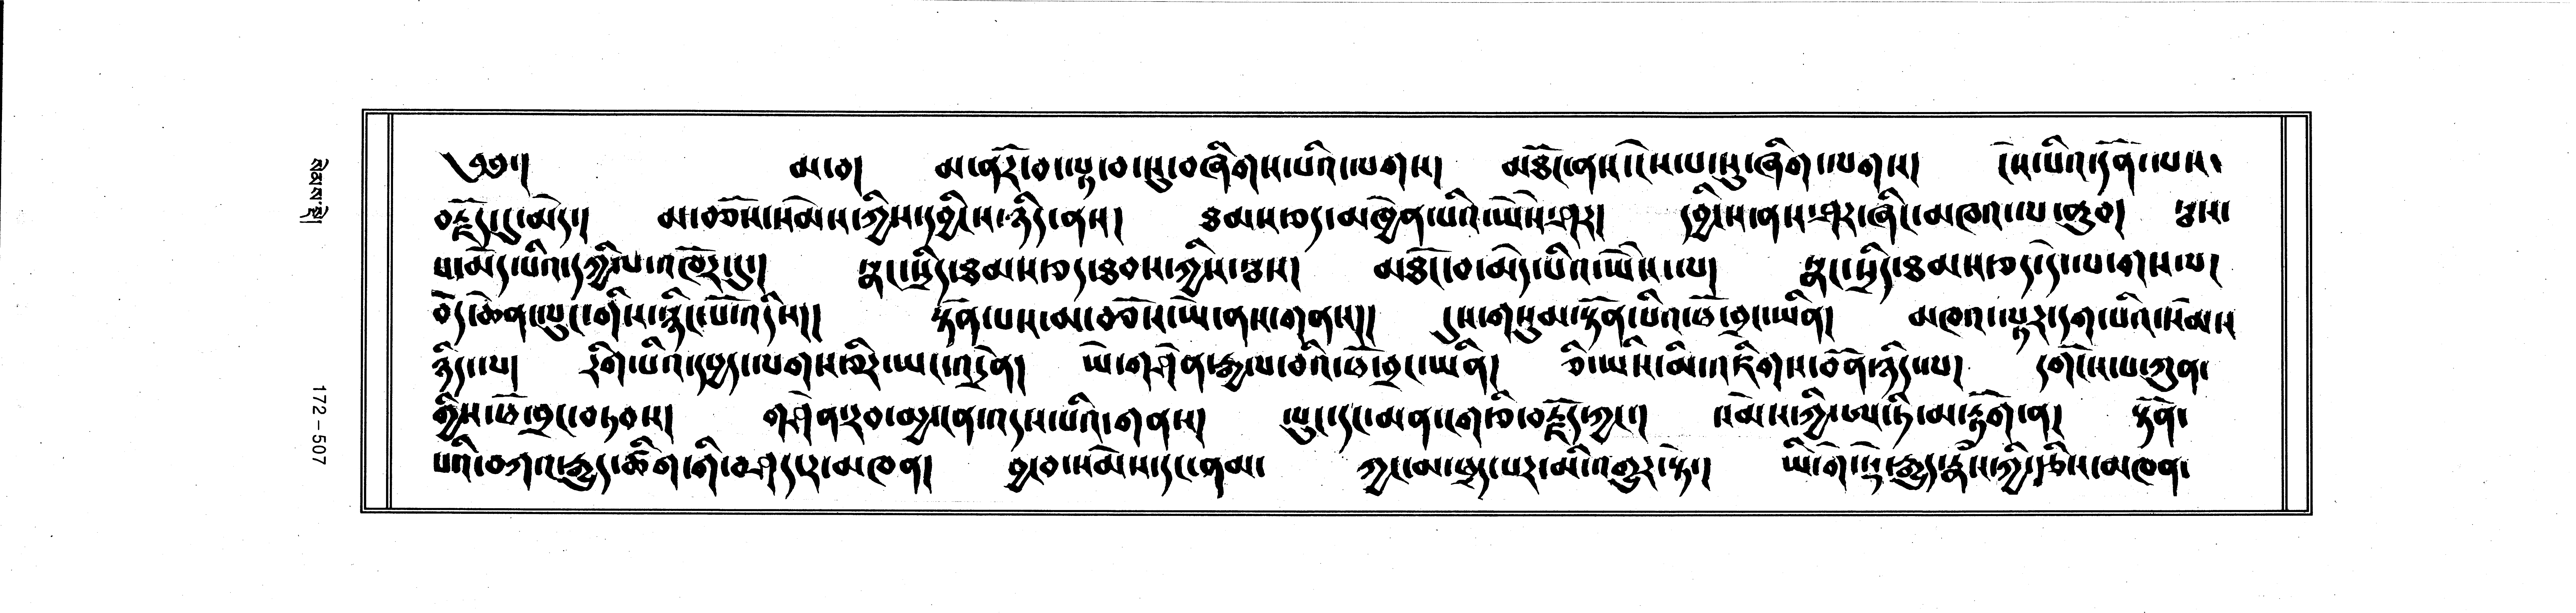མ་ནོར་བ་ལྟ་བ་སུ་བཞིགས་པའི་ལགས། མཐོང་ནས་ངེས་པ་སུ་ཞིག་ལགས། ངེས་པའི་དོན་ལས་
བརྗོད་དུ་མེད། མ་བཅོས་སེམས་ཀྱིས་དབྱིངས་ཉིད་ནས། ཐམས་ཅད་མཁྱེན་པའི་ཡེ་ཤེས་ཤར། དབྱིངས་ནས་ཤར་ཞིང་མཁའ་ལ་ནུབ། སྦས་
པ་མེད་པའི་དཀྱིལ་འཁོར་དུ། སྣང་སྲིད་ཐམས་ཅད་ཐབས་ཀྱིས་སྦས། མཐོང་བ་མེད་པའི་ཡེ་ཤེས་ལ། སྣང་སྲིད་ཐམས་ཅད་དེ་ལ་གསལ། 
བདེ་ཆེན་ལུང་གིས་སྙིང་པོ་འདིས། སྟོན་པས་མ་བཅོས་ཡེ་ནས་གནས། དུས་གསུམ་སྟོན་པའི་ཕོ་བྲང་ཡིན། མཁའ་ལྟར་དག་པའི་སེམས་
ཉིད་ལ། རིག་པའི་དཔྱད་ལགས་ཅིར་ཡང་འདྲེན། ཡེ་གཤེན་རྒྱལ་བའི་ཕོ་བྲང་ཡིན། ཅི་ཡིས་མི་འཇིགས་བོན་ཉིད་ལ། དགོངས་པ་ཀུན་
གྱིས་ཕོ་བྲང་བཏབས། གཤེན་རབ་མྱ་ངན་འདས་པའི་གནས། ལུང་དང་མན་ངག་ཅི་བརྗོད་ཀྱང་། སེམས་ཀྱི་ཨ་ཏི་མ་རྟོགས་ན། སྟོན་
པའི་བཀའ་རྒྱུད་ཚིག་གི་བཤད་པར་མཁན། བྱང་ཆུབ་སེམས་དང་ནམ་ཀྱང་མ་ཕྲད་པར་མི་འགྱུར་སྟེ། ཡི་གེ་སྡེ་རྒྱུད་རྣམས་ཀྱི་རྕིས་མཁན་